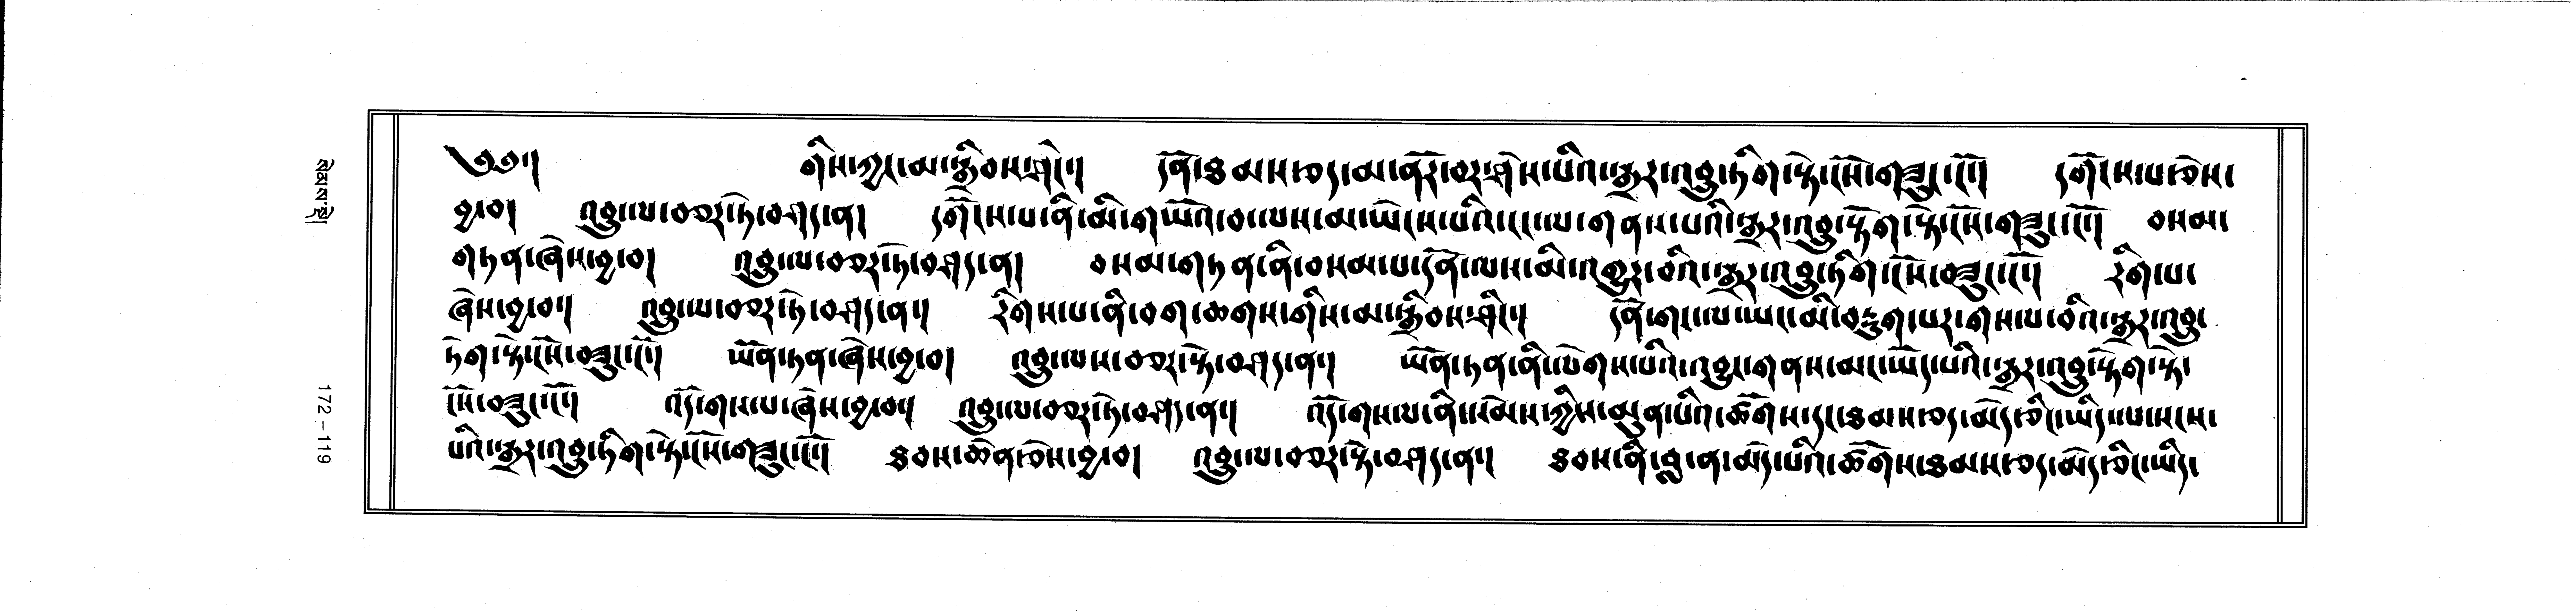གིས་ཀྱང་མ་སྒྲིབས་ཤིང་། དོན་ཐམས་ཅད་མ་ནོར་བར་ཤེས་པའི་སྒྲར་འབྲུ་ཏིག་སྟེ་ངོས་གཟུངས་ངོ་། དགོངས་པ་ཅེས་
བྱ་བ། འབྲུ་ལ་བཅར་ཏེ་བཤད་ན། དགོངས་པ་ནི་མི་གཡོའ་བ་ལས་མ་ཡེངས་པའི་ངང་ལ་གནས་པའི་སྒྲར་འབྲུ་ཏིག་སྟེ་ངོས་གཟུངས་ངོ་། བསམ་
གཏན་ཞེས་བྱ་བ། འབྲུ་ལ་བཅར་ཏེ་བཤད་ན། བསམ་གཏན་ནི་བསམ་པ་དོན་ལས་མི་འགྱུར་བའི་སྒྲར་འབྲུ་ཏིག་སྟེ་ངོས་གཟུངས་ངོ་། རིག་པ་
ཞེས་བྱ་བ། འབྲུ་ལ་བཅར་ཏེ་བཤད་ན། རིག་པ་ནི་བག་ཆགས་གིས་མ་སྒྲིབས་ཤིང་། དོན་གང་ལ་ཡང་མི་བརྡུག་པར་གསལ་བའི་སྒྲར་འབྲུ་
ཏིག་སྟེ་ངོས་གཟུངས་ངོ་། ཡོན་ཏན་ཞེས་བྱ་བ། འབྲུ་ལས་བཅར་སྟེ་བཤད་ན། ཡོན་ཏན་ནི་ལེགས་པའི་འབྱུང་གནས་མང་ཡོད་པའི་སྒྲར་འབྲུ་ཏིག་སྟེ་
ངོས་གཟུངས་ངོ་། འོད་གསལ་ཞེས་བྱ་བ། འབྲུ་ལ་བཅར་ཏེ་བཤད་ན། འོད་གསལ་ནི་སེམས་ཀྱིས་མུན་པའི་ཚོགས་དང་ཐམས་ཅད་མེད་ཅིང་ཡིད་ལ་སངས་
པའི་སྒྲར་འབྲུ་ཏིག་སྟེ་ངོས་གཟུངས་ངོ་། ཐབས་ཆེན་ཅེས་བྱ་བ། འབྲུ་ལ་བཅར་སྟེ་བཤད་ན། ཐབས་ནི་བླ་ན་མེད་པའི་ཚོགས་ཐམས་ཅད་མེད་ཅིང་ཡིད་